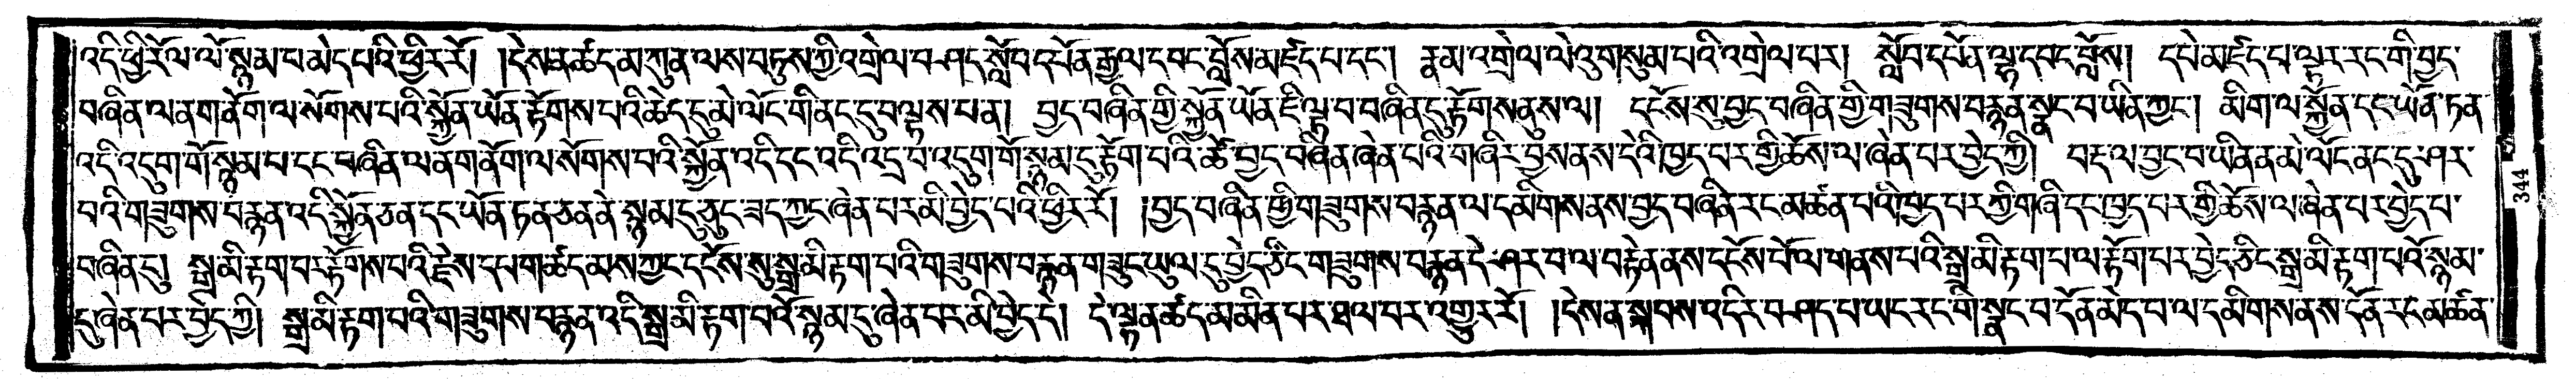འདི་ཕྱི་རོལ་ལོ་སྙམ་པ་མེད་པའི་ཕྱིར་རོ། །དེས་ན་ཚད་མ་ཀུན་ལས་བཏུས་ཀྱི་འགྲེལ་བཤད་སློབ་དཔོན་རྒྱལ་དབང་བློས་མཛད་པ་དང་། རྣམ་འགྲེལ་ལེའུ་གསུམ་པའི་འགྲེལ་བར། སློབ་དཔོན་ལྷ་དབང་བློས། དཔེ་མཛད་པ་ལྟར་རང་གི་བྱད་
བཞིན་ལ་ནག་ནོག་ལ་སོགས་པའི་སྐྱོན་ཡོན་རྟོགས་པའི་ཆེད་དུ་མེ་ལོང་གི་ནང་དུ་བལྟས་པ་ན། བྱད་བཞིན་གྱི་སྐྱོན་ཡོན་ཇི་ལྟ་བ་བཞིན་དུ་རྟོགས་ནུས་ལ། དངོས་སུ་བྱང་བཞིན་གྱི་གཟུགས་བརྙན་སྣང་བ་ཡིན་ཀྱང་། མིག་ལ་སྐྱོན་དང་ཡོན་ཏན་
འདི་འདུག་གོ་སྙམ་པ་དང་བཞིན་ལ་ནག་ནོག་ལ་སོགས་པའི་སྐྱོན་འདི་དང་འདི་འདྲ་བ་འདུག་གོ་སྙམ་དུ་རྟོག་པའི་ཚེ་བྱད་བཞིན་ཞེན་པའི་གཞིར་བྱས་ནས་དེའི་ཁྱད་པར་གྱི་ཆོས་ལ་ཞེན་པར་བྱེད་ཀྱི། བརྡ་ལ་བྱང་བ་ཡིན་ན་མེ་ལོང་ནང་དུ་ཤར་
པའི་གཟུགས་བརྙན་འདི་སྐྱོན་ཅན་དང་ཡོན་ཏན་ཅན་ནེ་སྙམ་དུ་ཅུང་ཟད་ཀྱང་ཞེན་པར་མི་བྱེད་པའི་ཕྱིར་རོ། །བྱད་བཞིན་གྱི་གཟུགས་བརྙན་ལ་དམིགས་ནས་བྱད་བཞིན་རང་མཚན་པའི་ཁྱད་པར་གྱི་གཞི་དང་ཁྱད་པར་གྱི་ཆོས་ལ་ཞེན་པར་བྱེད་པ་
བཞིན་དུ། སྒྲ་མི་རྟག་པར་རྟོགས་པའི་རྗེས་དཔག་ཚད་མས་ཀྱང་དངོས་སུ་སྒྲ་མི་རྟག་པའི་གཟུགས་བརྙན་གཟུང་ཡུལ་དུ་བྱེད་ཅིང་གཟུགས་བརྙན་དེ་ཤར་བ་ལ་བརྟེན་ནས་དངོས་པོ་ལ་གནས་པའི་སྒྲ་མི་རྟག་པ་ལ་རྟོག་པར་བྱེད་ཅིང་སྒྲ་མི་རྟག་པའོ་སྙམ་
དུ་ཞེན་པར་བྱེད་ཀྱི། སྒྲ་མི་རྟག་པའི་གཟུགས་བརྙན་འདི་སྒྲ་མི་རྟག་པའོ་སྙམ་དུ་ཞེན་པར་མི་བྱེད་དེ། དེ་ལྟ་ན་ཚད་མ་མིན་པར་ཐལ་བར་འགྱུར་རོ། །དེས་ན་སྐབས་འདིར་བཤད་པ་ཡང་རང་གི་སྣང་བ་དོན་མེད་པ་ལ་དམིགས་ནས་དོན་རང་མཚན་